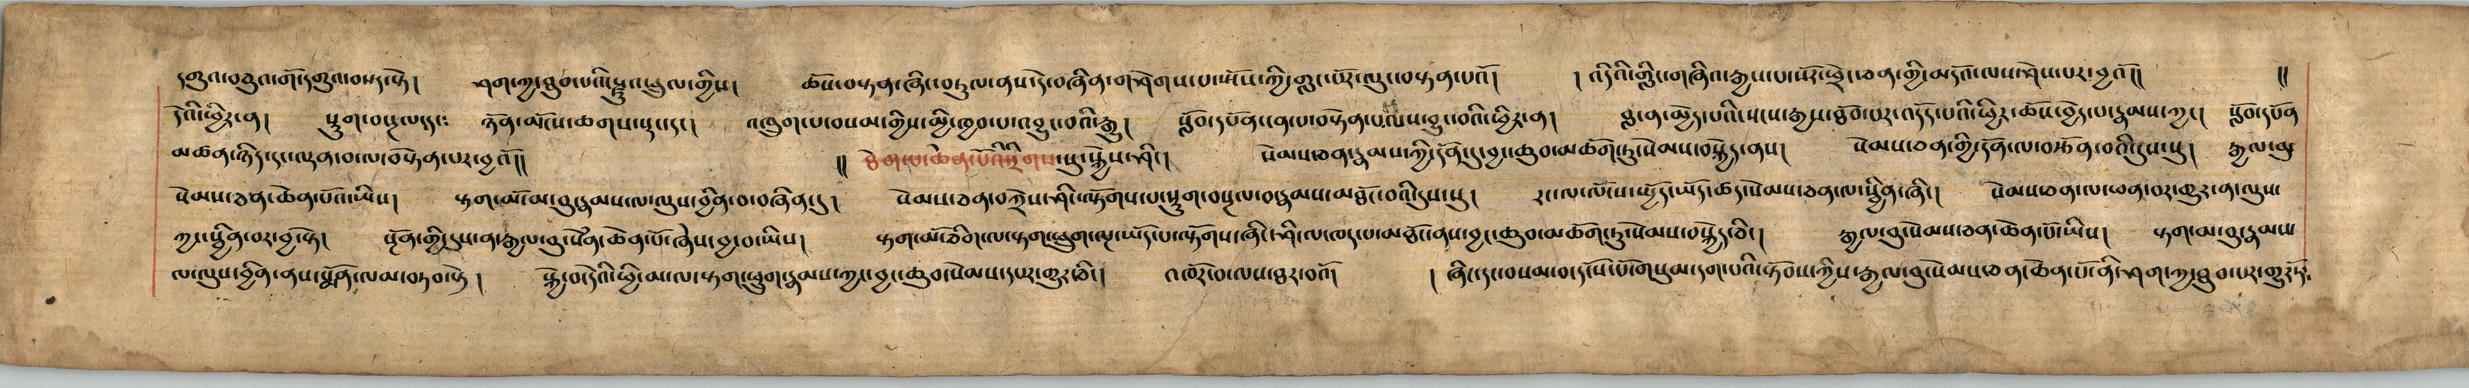དགུའ་བཅུའ་གོ་དགུའ་བསད་སྟེ། ཤག་ཀྱ་ཐུབ་པའི་སྫུ་འཕྲུལ་གྱིས། ཆོས་བསྟན་ཞིང་བཏུལ་ནས་དེ་བཞིན་གཤེགས་པ་ཡོས་ཀྱི་གླང་པོར་ལུང་བསྟན་པའོ། །འདིའི་གླིང་གཞིའ་རྒྱས་པ་སོར་ཕྲེང་ཅན་གྱི་མདོའ་ལས་ཤེས་པར་བྱའོ།།
དེའི་ཕྱིར་ན། སྡུག་བསྔལ་དང༴ ཉོན་མོངས་ཆགས་སྡང་དང། འཁྲུག་པ་བསམ་གྱིས་མྱི་ཁྱབ་པ་འབྱུང་བའི་རྒྱུ། སློབ་དཔོན་ངན་པ་བསྟོན་པ་ལས་བྱུང་བའི་ཕྱིར་ན། བླ་ན་མྱེད་པའི་སངས་རྒྱས་ཐོབ་པར་འདོད་པའི་ཕྱིར་ཆོས་བྱེད་པ་རྣམས་ཀྱང། སློབ་དཔོན
མཚན་ཉིད་དང་ལྡན་བ་ལ་བསྟེན་པར་བྱའོ།། །། ཐེག་པ་ཆེན་པོའི་རིགས་སུ་སྐྱེས་ཤིང། སེམས་ཅན་རྣམས་ཀྱི་དོན་དུ་བྱང་ཆུབ་མཆོག་ཏུ་སེམས་བསྐྱེད་ནས། སེམས་ཅན་གྱི་དོན་ལ་བརྩོན་བའི་དུས་སུ། རྒྱལ་བུ་
སེམས་ཅན་ཆེན་པོའ་ཡིས། སྟག་མོ་མ་བུ་རྣམས་ལ་ལུས་བྱིན་བ་བཞིན་དུ། སེམས་ཅན་བཀྲེས་ཤིང་ལྟོགས་པ་སྡུག་བསྔལ་བ་རྣམས་མཐོང་བའི་དུས་སུ། རང་ལ་ལོངས་སྤྱོད་ཡོད་ཚད་སེམས་ཅན་ལ་སྦྱིན་ཞིང། སེམས་ཅན་ལ་ཕན་བར་གྱུར་ན་ལུས་
ཀྱང་སྦྱིན་བར་བྱ་སྟེ། སྔོན་གྱི་དུས་ན་རྒྱལ་བུ་སན་ཆེན་པོ་ཞེས་བྱ་བ་ཡིས། སྟག་མོ་ཅིག་ལ་སྟག་ཕྲུག་ལྔ་ཡོད་པ་ལྟོགས་ཞཱིང་ཤི་ལ་ཁད་པ་མཐོང་ནས་བྱང་ཆུབ་མཆོག་ཏུ་སེམས་བསྐྱེད་ཅིང། རྒྱལ་བུ་སེམས་ཅན་ཆེན་པོ་ཡིས། སྟག་མ་བུ་རྣམས་
ལ་ལུས་བྱིན་ནས་སྨོན་ལམ་བཏབ་སྟེ། སྐྱེ་བ་དེའི་ཕྱི་མ་ལ་སྟག་ཕྲུག་རྣམས་ཀྱང་བྱང་ཆུབ་སེམས་དཔར་གྱུར་ཅིང། འཁོར་བ་ལས་ཐར་བའོ། ། ཞིང་དང་བསམ་བ་དངོས་པོ་གསུམ་དག་པའི་སྟོབས་ཀྱིས་རྒྱལ་བུ་སེམས་ཅན་ཆེན་པོ་ནི་ཤག་ཀྱ་ཐུབ་པར་གྱུར་ཏོ༴